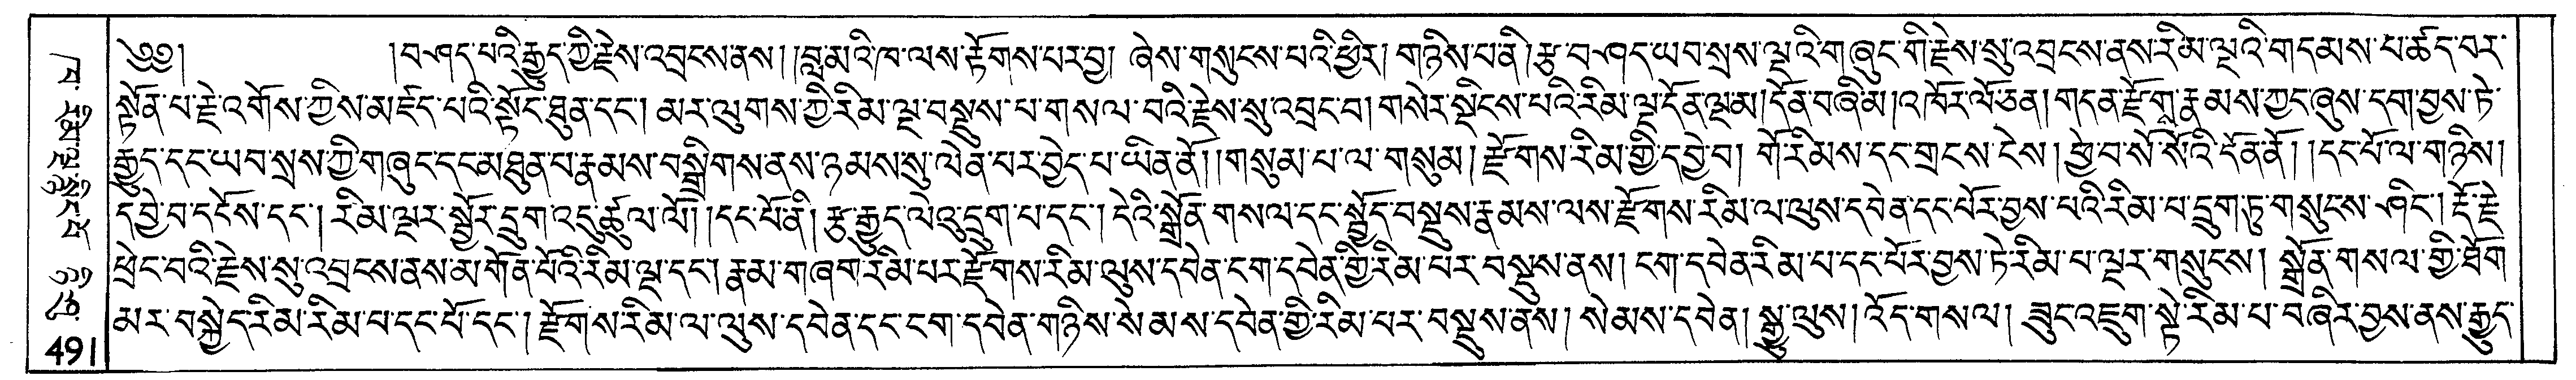༄༅། །བཤད་པའི་རྒྱུད་ཀྱི་རྗེས་འབྲངས་ནས། །བླ་མའི་ཁ་ལས་རྟོགས་པར་བྱ། ཞེས་གསུངས་པའི་ཕྱིར། གཉིས་པ་ནི། རྩ་བཤད་ཡབ་སྲས་ལྔའི་གཞུང་གི་རྗེས་སུ་འབྲངས་ནས་རིམ་ལྔའི་གདམས་པ་ཚད་བར་
སྟོན་པ་རྗེ་འགོས་ཀྱིས་མཛད་པའི་སྟོང་ཐུན་དང་། མར་ལུགས་ཀྱི་རིམ་ལྔ་བསྡུས་པ་གསལ་བའི་རྗེས་སུ་འབྲང་བ། གསེར་སྡིངས་པའི་རིམ་ལྔ་དོན་ལྔ་མ། དོན་བཞི་མ། འཁོར་ལོ་ཅན། གདན་རྫོགས་རྣམས་ཀྱང་ཞུས་དག་བྱས་ཏེ་
རྒྱུད་དང་ཡབ་སྲས་ཀྱི་གཞུང་དང་མཐུན་པ་རྣམས་བསྒྲིགས་ནས་ཉམས་སུ་ལེན་པར་བྱེད་པ་ཡིན་ནོ། །གསུམ་པ་ལ་གསུམ། རྫོགས་རིམ་གྱི་དབྱེ་བ། གོ་རིམས་དང་གྲངས་ངེས། ཕྱེ་བ་སོ་སོའི་དོན་ནོ། །དང་པོ་ལ་གཉིས།
དབྱེ་བ་དངོས་དང་། རིམ་ལྔར་སྦྱོར་དྲུག་འདུ་ཚུལ་ལོ། །དང་པོ་ནི། རྩ་རྒྱུད་ལེའུ་དྲུག་པ་དང་། དེའི་སྒྲོན་གསལ་དང་སྤྱོད་བསྡུས་རྣམས་ལས་རྫོགས་རིམ་ལ་ལུས་དབེན་དང་པོར་བྱས་པའི་རིམ་པ་དྲུག་ཏུ་གསུངས་ཤིང་། རྡོ་རྗེ་
ཕྲེང་བའི་རྗེས་སུ་འབྲངས་ནས་མགོན་པོའི་རིམ་ལྔ་དང་། རྣམ་གཞག་རིམ་པར་རྫོགས་རིམ་ལུས་དབེན་ངག་དབེན་གྱི་རིམ་པར་བསྡུས་ནས། ངག་དབེན་རིམ་པ་དང་པོར་བྱས་ཏེ་རིམ་པ་ལྔར་གསུངས། སྒྲོན་གསལ་གྱི་ཐོག་
མར་བསྐྱེད་རིམ་རིམ་པ་དང་པོ་དང་། རྫོགས་རིམ་ལ་ལུས་དབེན་དང་ངག་དབེན་གཉིས་སེམས་དབེན་གྱི་རིམ་པར་བསྡུས་ནས། སེམས་དབེན། སྒྱུ་ལུས། འོད་གསལ། ཟུང་འཇུག་སྟེ་རིམ་པ་བཞིར་བྱས་ནས་རྒྱུད་